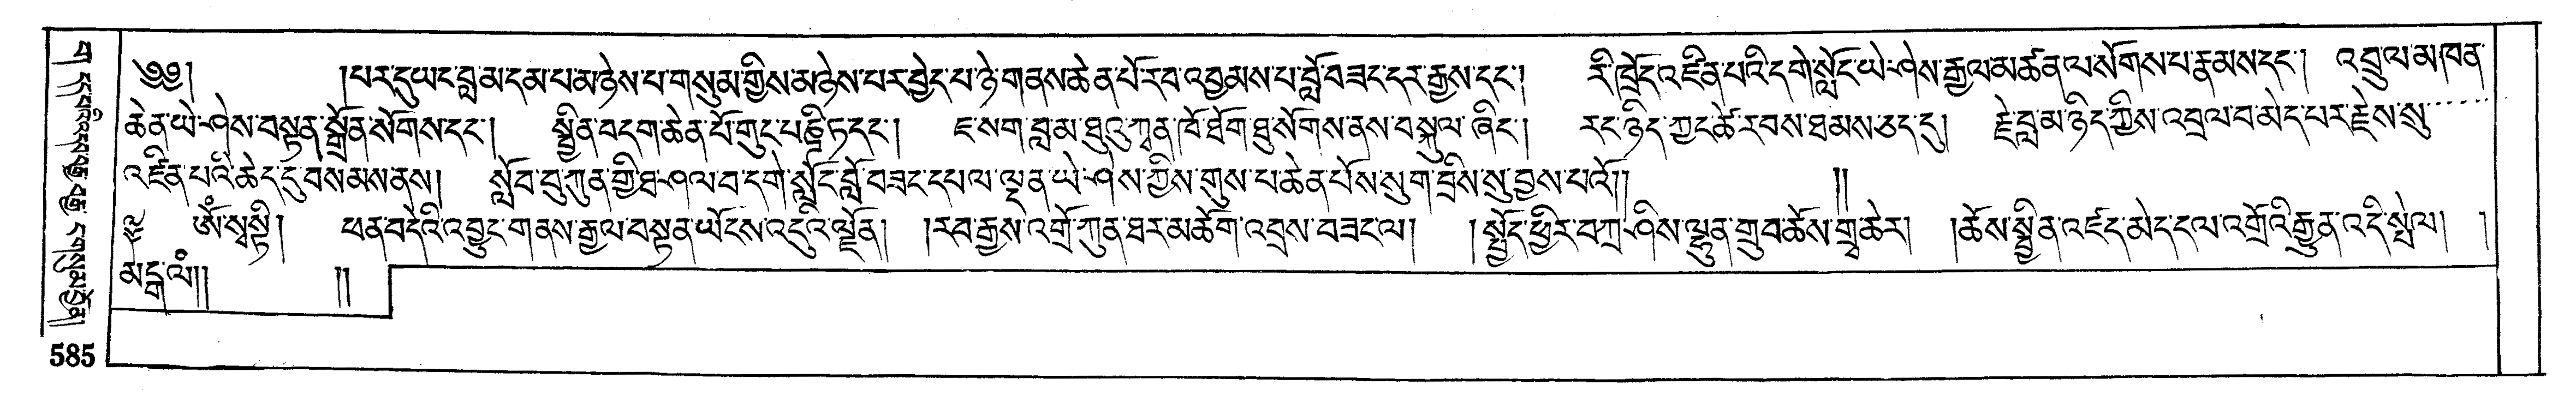༄༅། །པར་དུ་ཡང་བླ་མ་དམ་པ་མཉེས་པ་གསུམ་གྱིས་མཉེས་པར་བྱེད་པ་ཉེ་གནས་ཆེན་པོ་རབ་འབྱམས་པ་བློ་བཟང་དར་རྒྱས་དང་། རི་ཁྲོད་འཛིན་པའི་དགེ་སློང་ཡེ་ཤེས་རྒྱལ་མཚན་ལ་སོགས་པ་རྣམས་དང་། འབྲུ་ལ་མཁན་
ཆེན་ཡེ་ཤེས་བསྟན་སྒྲོན་སོགས་དང་། སྤྱིན་བདག་ཆེན་པོ་གུང་པཎྜི་ཏ་དང་། ཇ་སག་བླ་མ་ཐུའུ་ཀྭན་ཁོ་ཐོག་ཐུ་སོགས་ནས་བསྐུལ་ཞིང་། རང་ཉིད་ཀྱང་ཚེ་རབས་ཐམས་ཅད་དུ། རྗེ་བླ་མ་ཉིད་ཀྱིས་འབྲལ་བ་མེད་པར་རྗེས་སུ་
འཛིན་པའི་ཆེད་དུ་བསམས་ནས། སློབ་བུ་ཀུན་གྱི་ཐ་ཤལ་བ་དགེ་སློང་བློ་བཟང་དཔལ་ལྡན་ཡེ་ཤེས་ཀྱིས་གུས་པ་ཆེན་པོས་སུག་བྲིས་སུ་བྱས་པའོ།། །།
༈ ཨོཾ་སྭ་སྟི། ཕན་བདེའི་འབྱུང་གནས་རྒྱལ་བསྟན་ཡོངས་འདུའི་ལྗོན། །རབ་རྒྱས་འགྲོ་ཀུན་ཐར་མཆོག་འབྲས་བཟང་ལ། སྤྱོད་ཕྱིར་བཀྲ་ཤིས་ལྷུན་གྲུབ་ཆོས་གྲྭ་ཆེར། །ཆོས་སྤྱིན་འཛད་མེད་དལ་འགྲོའི་རྒྱུན་འདི་སྦེལ། །
མངྒ་ལཾ།། །།